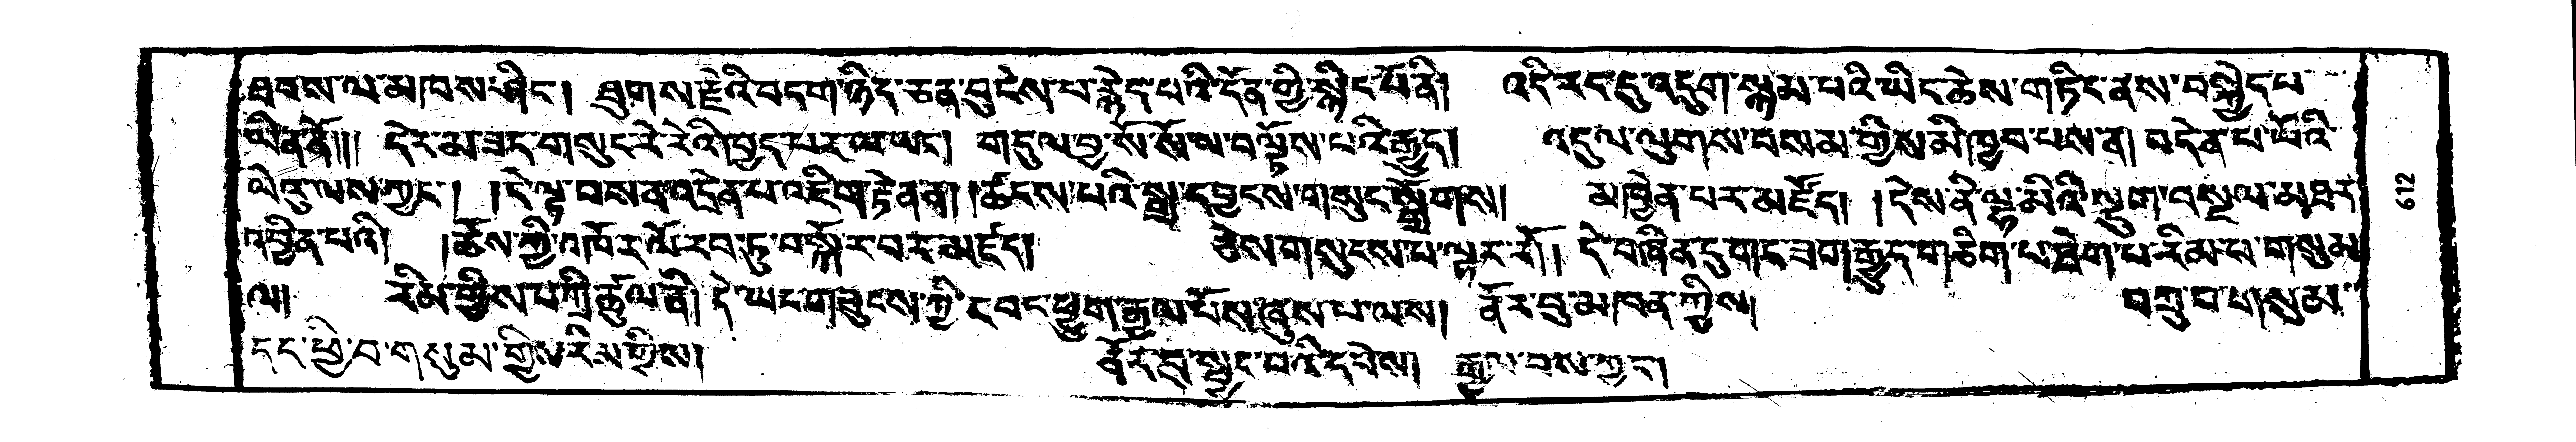ཐབས་ལ་མཁས་ཤིང་། ཐུགས་རྗེའི་བདག་ཉིད་ཅན་བུ་ངེས་པ་རྙེད་པའི་དོན་གྱི་སྙིང་པོ་ནི། འདི་རང་དུ་འདུག་སྙམ་པའི་ཡིད་ཆེས་གཏིང་ནས་བསྐྱེད་པ་
ཡིན་ནོ།། དེར་མ་ཟད་གསུང་རེ་རེའི་ཁྱད་པར་ལ་ཡང་། གདུལ་བྱ་སོ་སོ་ལ་བལྟོས་པའི་རྒྱུད། འདུལ་ལུགས་བསམ་གྱིས་མི་ཁྱབ་པས་ན། བདེན་པ་པོའི་
ལེའུ་ལས་ཀྱང་། །དེ་ལྟ་བས་ན་འདྲེན་པ་འཇིག་རྟེན་ན། །ཚངས་པའི་སྒྲ་དབྱངས་གསུང་སྒྲོགས། མཁྱེན་པར་མཛོད། །དེས་ནི་ལྷ་མིའི་སྡུག་བསྔལ་མཐར་
འབྱིན་པའི། །ཆོས་ཀྱི་འཁོར་ལོ་རབ་ཏུ་བསྐོར་བར་མཛད། ཅེས་གསུངས་པ་ལྟར་རོ།། དེ་བཞིན་དུ་གང་ཟག་རྒྱུད་གཅིག་པ་ཐེག་པ་རིམ་པ་གསུམ་
ལ། རིམ་གྱིས་པ་ཀྲི་ཚུལ་ནི། དེ་ཡང་གཟུངས་ཀྱི་དབང་ཕྱུག་རྒྱལ་པོས་ཞུས་པ་ལས། ནོར་བུ་མཁན་གྱིས། བཀྲུ་བ་གསུམ་
དང་ཕྱི་བ་གསུམ་གྱིས་རིམ་གྱིས། ནོར་བུ་སྦྱང་བའི་དཔེས། རྒྱལ་བས་ཀྱང་།